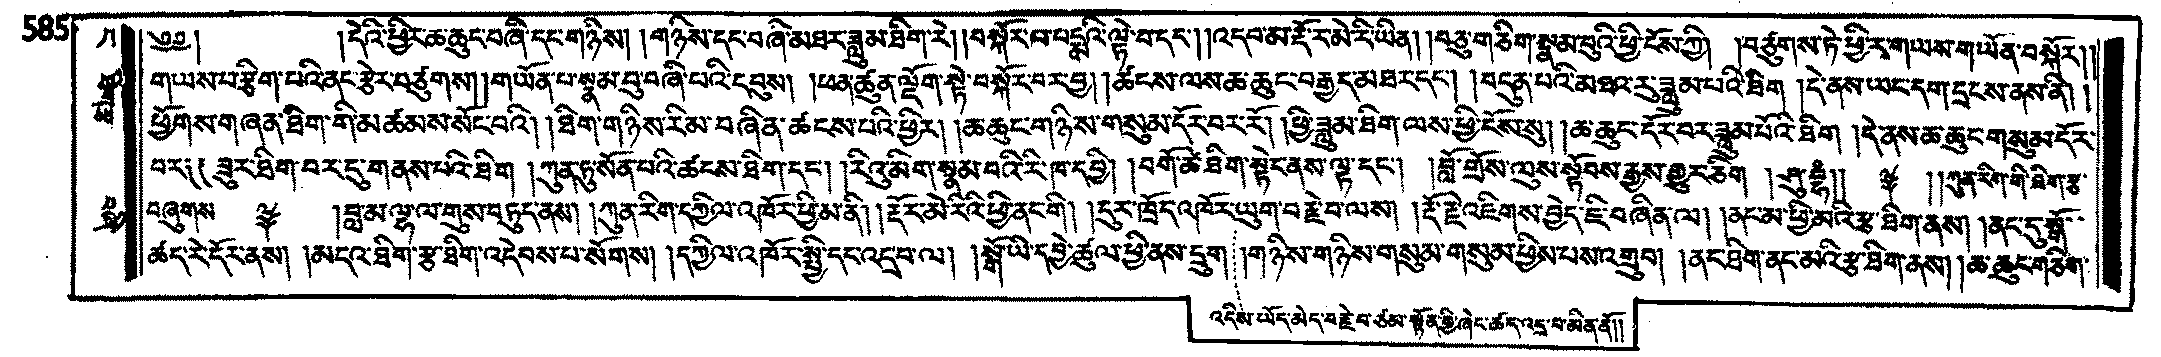༄༅། །དེའི་ཕྱིར་ཆ་ཆུང་བཞི་དང་གཉིས། །གཉིས་དང་བཞི་མཐར་ཟླུམ་ཐིག་རེ། །བསྐོར་བ་པདམའི་ལྟེ་བ་དང་། །འདབ་མ་རྡོ་ར་མེ་རི་ཡིན། །བཅུ་གཅིག་སྣམ་བུའི་ཕྱི་ངོས་ཀྱི། །བཙུགས་ཏེ་ཕྱི་རྭ་གཡས་གཡོན་བསྐོར། །
གཡས་པ་རྩིག་པའི་ནང་རྩེར་བཙུགས། །གཡོན་པ་སྣམ་བུ་བཞི་པའི་དབུས། །ཕན་ཚུན་ལྡོག་སྟེ་བསྐོར་བར་བྱ། །ཚངས་ལས་ཆ་ཆུང་བརྒྱད་མཐར་དང་། །བདུན་པའི་མཐའ་རུ་ཟླུམ་པའི་ཐིག །དེ་ནས་ཡང་དག་དྲངས་ནས་ནི། །
ཕྱོགས་གཞན་ཐིག་གི་མཚམས་སོང་བའི། །ཐིག་གཉིས་རིམ་བཞིན་ཚངས་པའི་ཕྱིར། །ཆ་ཆུང་གཉིས་གསུམ་དོར་བར་རོ། །ཕྱི་ཟླུམ་ཐིག་ལས་ཕྱི་ངོས་སུ། །ཆ་ཆུང་དོར་བར་ཟླུམ་པོའི་ཐིག །དེ་ནས་ཆ་ཆུང་གསུམ་དོར་
བར༑ ༑ཟུར་ཐིག་བར་དུ་གནས་པའི་ཐིག །ཀུན་ཏུ་སོན་པའི་ཚངས་ཐིག་དང་། །རིའུ་མིག་སྣམ་བའི་རི་ཁ་དབྱི། །བགོ་ཚེ་ཐིག་སྟེང་ནས་ལྟ་དང་། །བློ་གྲོས་ལུས་སྟོབས་རྒྱས་གྱུར་ཅིག །ཤུ་བྷཾ།། འ་།།ཀུན་རིག་གི་ཐིག་རྩ་
བཞུགས་འ་།བླ་མ་ལྷ་ལ་གུས་བཏུད་ནས། །ཀུན་རིག་དཀྱིལ་འཁོར་ཕྱི་མ་ནི། །རྡོར་མེ་རིའི་ཕྱི་ནང་གི། །དུར་ཁྲོད་འཁོར་ཡུག་བརྗེ་བ་ལས། འདིས་ཡོད་མེད་བརྗེ་བ་ཙམ་སྟོན་གྱི་ཞེང་ཚད་འདྲ་བ་མིན་ནོ།།  །རྡོ་རྗེ་འཇིགས་བྱེད་ཇི་བཞིན་ལ། །ནང་མ་ཕྱི་མའི་རྩ་ཐིག་ནས། །ནང་དུ་སྒོ་་་
ཚད་རེ་དོར་ནས། །མངའ་ཐིག་རྩ་ཐིག་འདེབས་པ་སོགས། །དཀྱིལ་འཁོར་སྤྱི་དང་འདྲ་བ་ལ། །སྒོ་ཡི་དབྱེ་ཚུལ་ཕྱི་ནས་དྲུག །གཉིས་གཉིས་གསུམ་གསུམ་ཕྱིས་པས་འགྲུབ། །ནང་ཐིག་ནང་མའི་རྩ་ཐིག་ནས། །ཆ་ཆུང་གཅིག་